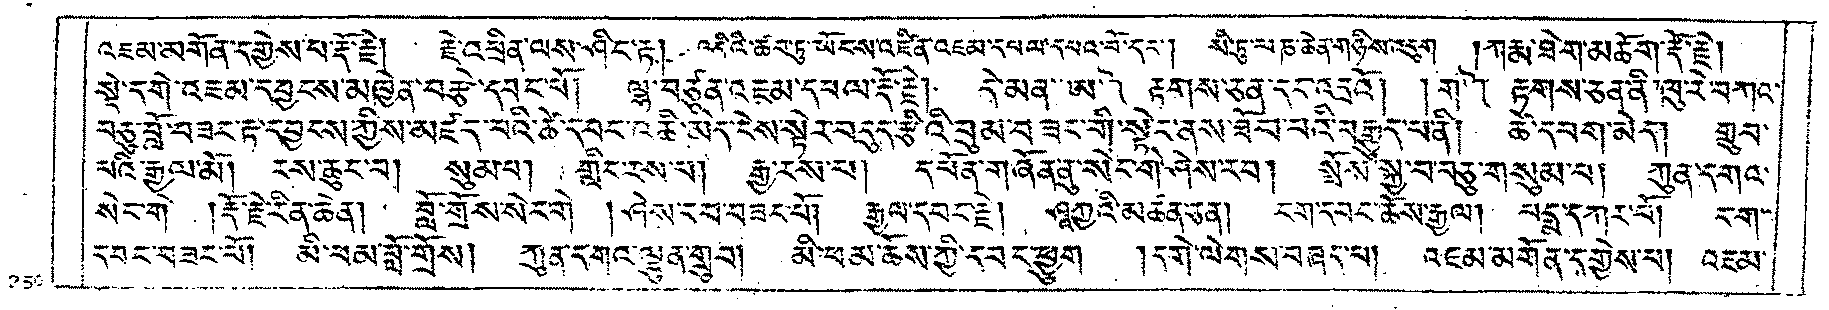འཇམ་མགོན་དགྱེས་པ་རྡོ་རྗེ། རྗེ་འཕྲིན་ལས་ཤིང་རྟ། འདིའི་ཚབ་ཏུ་ཡོངས་འཛིན་འཇམ་དཔལ་དཔའ་བོ་དང་། སི་ཏུ་པཎ་ཆེན་གཉིས་འདུག་།ཀརྨ་ཐེག་མཆོག་རྡོ་རྗེ།
སྡེ་དགེ་འཇམ་དབྱངས་མཁྱེན་བརྩེ་དབང་པོ། ལྷ་བཙུན་འཇམ་དཔལ་རྡོ་རྗེ། དེ་མན་ཨ྄་རྟགས་ཅན་དང་འདྲའོ། །ག྄་རྟགས་ཅན་ནི་ཁུ་རེ་བཀའ་
བཅུ་བློ་བཟང་རྟ་དབྱངས་ཀྱིས་མཛད་པའི་ཚེ་དབང་འཆི་མེད་ངེས་སྟེར་བདུད་རྩིའི་བུམ་བཟང་གི་སྟེང་ནས་ཐོབ་པའི་བརྒྱུད་པ་ནི། ཚེ་དཔག་མེད། གྲུབ་
པའི་རྒྱལ་མོ། རས་ཆུང་བ། སུམ་པ། གླིང་རས་པ། རྒྱ་རས་པ། དཔོན་གཞོན་ནུ་སེང་གེ་ཤེས་རབ། སྤོས་སྐྱེ་བ་བཅུ་གསུམ་པ། ཀུན་དགའ་
སེང་གེ །རྡོ་རྗེ་རིན་ཆེན། བློ་གྲོས་སེང་གེ །ཤེས་རབ་བཟང་པོ། རྒྱལ་དབང་རྗེ། ཤཱཀྱའི་མཚན་ཅན། ངག་དབང་ཆོས་རྒྱལ། པདམ་དཀར་པོ། ངག་
དབང་བཟང་པོ། མི་ཕམ་བློ་གྲོས། ཀུན་དགའ་ལྷུན་གྲུབ། མི་ཕམ་ཆོས་ཀྱི་དབང་ཕྱུག །དགེ་ལེགས་བཞད་པ། འཇམ་མགོན་དགྱེས་པ། འཇམ་